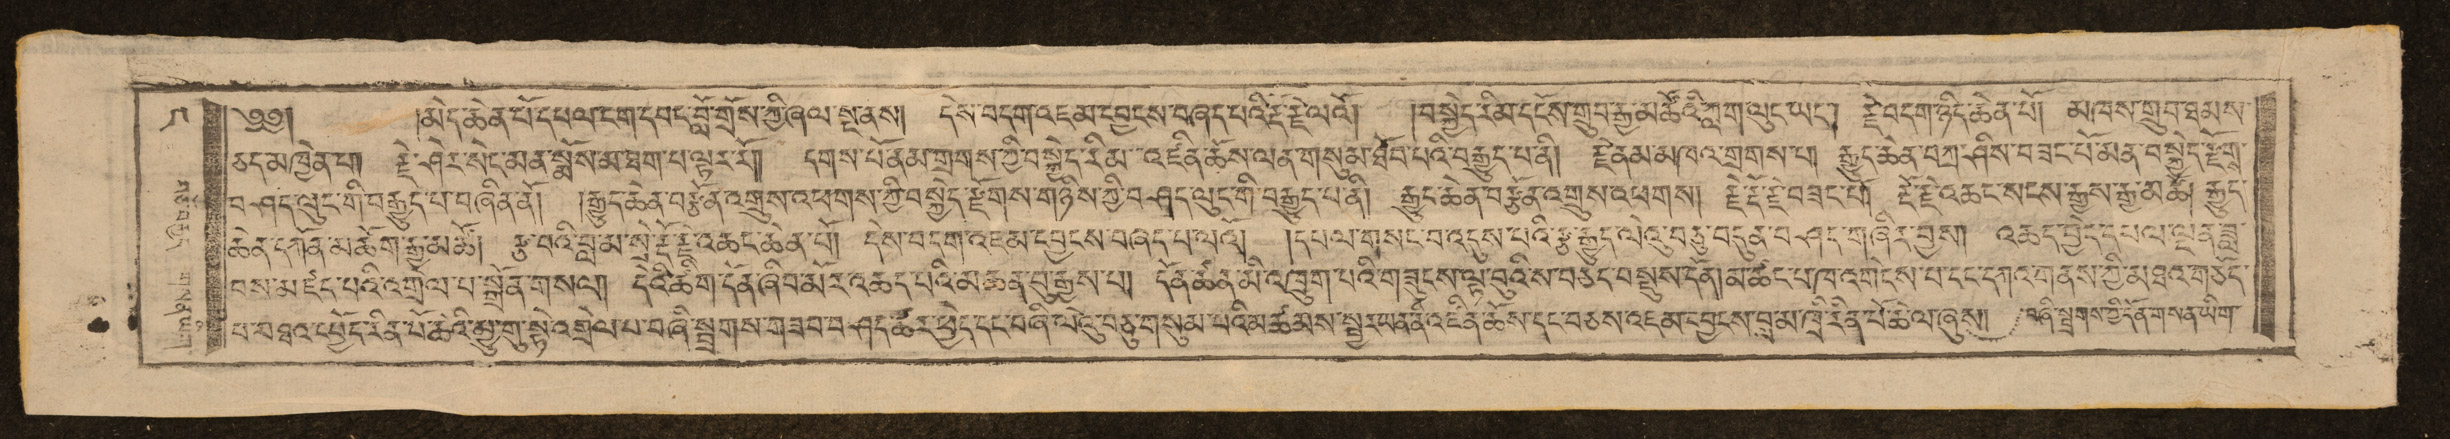༄༅། །མེད་ཆེན་པོ་དཔལ་ངག་དབང་བློ་གྲོས་ཀྱི་ཞལ་སྔ་ནས། དེས་བདག་འཇམ་དབྱངས་བཞད་པའི་རྡོ་རྗེ་ལའོ། །བསྐྱེད་རིམ་དངོས་གྲུབ་རྒྱ་མཚོའི་ཀླག་ལུང་ཡང་། རྗེ་བདག་ཉིད་ཆེན་པོ། མཁས་གྲུབ་ཐམས་
ཅད་མཁྱེན་པ། རྗེ་ཤེར་སེང་མན་སྨོས་མ་ཐག་པ་ལྟར་རོ། དགས་པོ་ན་མ་གྲགས་ཀྱི་བསྐྱེད་རིམ་འཛིན་ཆོས་ལན་གསུམ་ཐོབ་པའི་བརྒྱུད་པ་ནི། རྗེ་ནམ་མཁའ་གྲགས་པ། རྒྱུད་ཆེན་བཀྲ་ཤིས་བཟང་པོ་མན་བསྐྱེད་རྫོགས་
བཤད་ལུང་གི་བརྒྱུད་པ་བཞིན་ནོ། །རྒྱུད་ཆེན་བརྩོན་འགྲུས་འཕགས་ཀྱི་བསྐྱེད་རྫོགས་གཉིས་ཀྱི་བཤད་ལུང་གི་བརྒྱུད་པ་ནི། རྒྱུད་ཆེན་བརྩོན་འགྲུས་འཕགས། རྗེ་རྡོ་རྗེ་བཟང་པོ། རྡོ་རྗེ་འཆང་སངས་རྒྱས་རྒྱ་མཚོ། རྒྱུད་
ཆེན་དཀོན་མཆོག་རྒྱ་མཚོ། རྩ་བའི་བླ་མ་སྲེ་རྡོ་རྗེ་འཆང་ཆེན་པོ། དེས་བདག་འཇམ་དབྱངས་བཞད་པ་ལའོ། །དཔལ་གསང་བ་འདུས་པའི་རྩ་རྒྱུད་ལེའུ་བཅུ་བདུན་བཤད་གཞིར་བྱས། འཆད་བྱེད་དཔལ་ལྡན་ཟླ་
པས་མཇའ་བའི་འགྲེལ་བསྒྲོན་གསལ། དེའི་ཚིག་དོན་ཞིབ་མོར་འཆད་པའི་མཚན་བུ་རྒྱས་པ། དོན་ཚན་མི་འཁྲུག་པའི་གཟུངས་ལྟ་བུའི་ས་བཅད་བསྡུས་དོན། མཚང་པ་ཁ་འགེངས་པ་དང་དཀའ་གནས་ཀྱི་མཐའ་གཅོད་
བམ་པ་?་དཔྱོད་རིན་པོ་ཆེའི་མྱུ་གུ་སྟེ་འགྲེལ་པ་བཞི་སྦྲགས་གཟབ་བཤད་ཚར་ཕྱེད་དང་བཞི་ལེའུ་བཅུ་གསུམ་པའི་མཚམས་སྦྱར་ཡིན་ནི་འཛིན་ཆོས་དང་བཅས་འཇམ་དབྱངས་བླ་མ་ཁྲི་རིན་པོ་ཆེ་ལ་ཞུས། བཞི་སྦྲགས་ཀྱི་དོན་གསན་ཡིག་